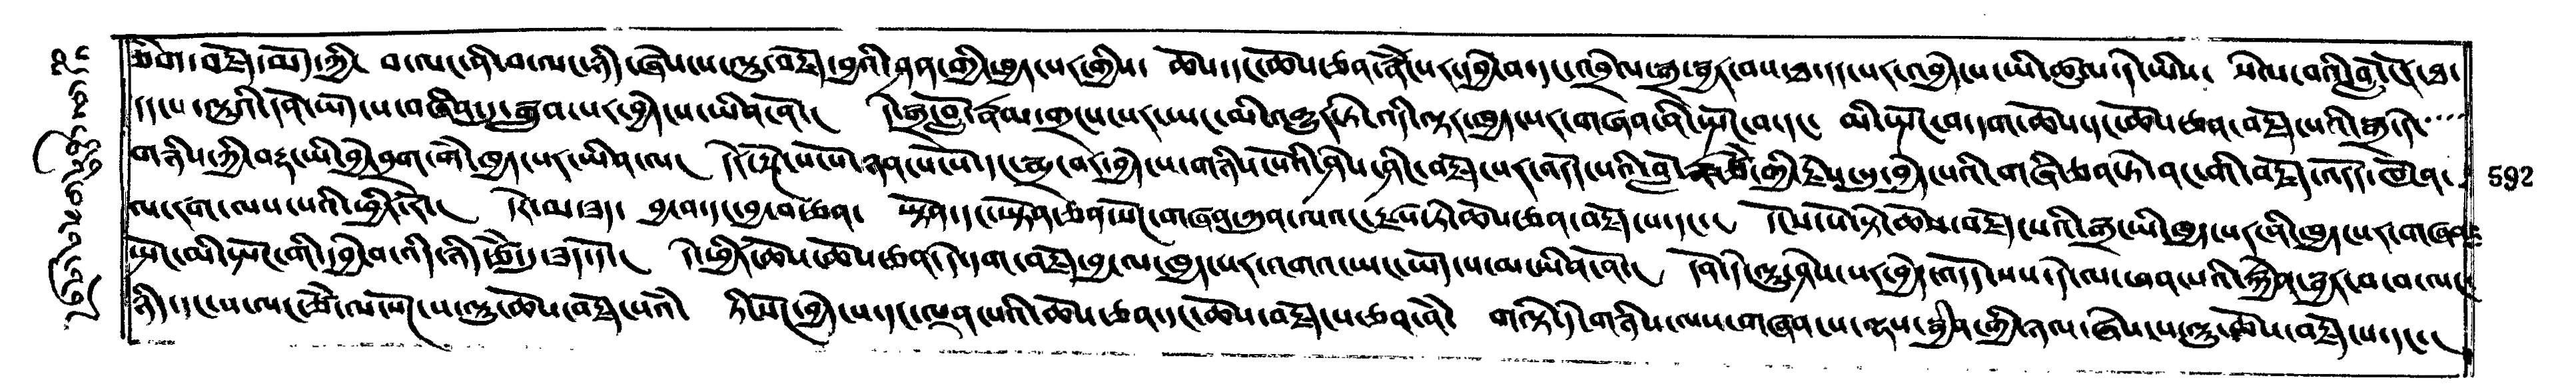ཞིག་བརྗོད་མོད་ཀྱི བ་ལང་ནི་བ་ལང་ཉིད་ཅེས་པ་ལྟ་བུ་བརྗོད་བྱའི་ཤན་གྱི་ཁྱད་པར་གྱིས། ཆོས་དང་ཆོས་ཅན་རྣམ་པར་དབྱེ་བ་དང་འབྲེལ་སྒྲ་སྦྱར་བས་ཐ་དད་པར་འབྱེད་པའི་ཚུལ་དེ་ཡིས། སེལ་བའི་བློ་ངོར་ཐ་
དད་པ་ལྟ་བུའི་དོན་ཡོད་པ་བཞིན་དུ་སྒྲུབ་པར་བྱེད་པ་ཡིན་ནོ།། དེ་སྒྲ་བློ་རྣམ་གྲངས་པར་ཡང་མི་འགྱུར་ཏེ་འདི་ལྟར་ཁྱད་པར་གཞན་ནི་སྤོང་བ་དང་། མི་སྤོང་བ་དག་ཆོས་དང་ཆོས་ཅན་བརྗོད་པའི་སྒྲ་དེ་
གཉིས་ཀྱི་བརྡའི་བྱེ་བྲག་གམ་ཁྱད་པར་ཡིན་ལ། དེར་རྟོགས་པ་པོ་ཉན་པ་པོ་དང་སྨྲ་བར་བྱེད་པ་གཉིས་པོའི་ཤེས་ཤིང་བརྗོད་པར་འདོད་པའི་བློ་ཙམ་གྱི་རྗེས་སུ་བྱེད་པའི་གཞི་ཅན་ཏེ་ནང་གི་བརྗོད་འདོད་ཁོ་ན་
ལ་རག་ལས་པའི་ཕྱིར་རོ།།དེར་མ་ཟད། བྱ་བ་དང་བྱ་བ་ཅན། ཡོན་ཏན་དང་ཡོན་ཏན་ཅན་སོགས་གཞན་ཀུན་ལའང་རྫས་ཏེ་ཆོས་ཅན་བརྗོད་པ་དང་། དངོས་པོ་སྟེ་ཆོས་བརྗོད་པའི་སྒྲའི་ཁྱད་པར་ནི་ཁྱད་པར་གཞན་
སྤོང་མི་སྤོང་གི་དབྱེ་བ་འདི་ཉིད་ཙམ་དུ་ཟད་དོ།། དེ་ཕྱིར་ཆོས་ཆོས་ཅན་དེ་དག་བརྗོད་བྱ་ལ་ཁྱད་པར་འགའ་ཡང་ཡོད་པ་མ་ཡིན་ནོ།། དོན་དེ་ལྟ་བུ་ཤེས་པར་བྱེད་འདོད་པས་དེ་ལ་ཕན་པའི་རྐྱེན་སྦྱར་བ་བ་ལང་
ཉིད་དང་བ་ལང་ཙམ་ལ་སོགས་པ་ལྟ་བུ་ཆོས་བརྗོད་པའམ། ཏིལ་སོགས་བྱེད་པ་དང་ལྡན་པའི་ཆོས་ཅན་དང་ཆོས་བརྗོད་པ་ཅན་ནམ། གལ་ཏེ་དེ་གཉིས་ལས་གཞན་པ་ལྷས་སྦྱིན་གྱི་ཉལ་ཞེས་པ་ལྟ་བུ་ཆོས་བརྗོད་པ་དང་།